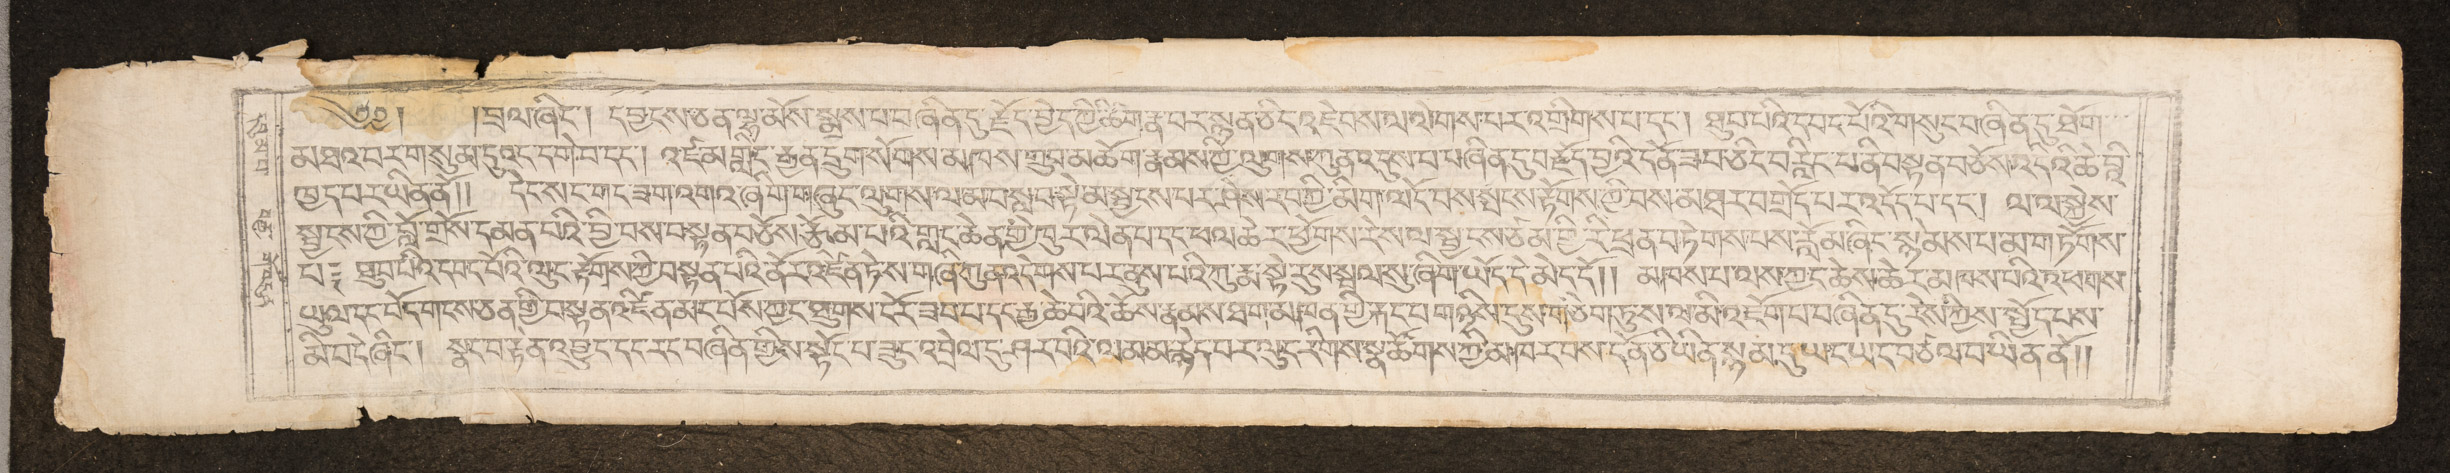༄༅། །བྲལ་ཞིང་། དབྱངས་ཅན་ལྷ་མོས་སྨྲས་པ་བཞིན་དུ་རྗོད་བྱེད་ཀྱི་ཚིག་རྣ་བར་སྙན་ཅིང་འཇེབས་ལ་ལེགས་པར་འགྲིགས་པ་དང་། ཐུབ་པའི་དབང་པོའི་གསུང་བཞིན་དུ་ཐོག་
མཐའ་བར་གསུམ་དུའང་དགེ་བ་དང་། འཛམ་གླིང་རྒྱན་དྲུག་སོགས་མཁས་གྲུབ་མཆོག་རྣམས་ཀྱི་ལུགས་ཀུན་འདུས་པ་བཞིན་དུ་བརྗོད་བྱའི་དོན་ཟབ་ཅིང་བརླིང་པ་ནི་བསྟན་བཅོས་འདིའི་ཆེ་བའི་
ཁྱད་པར་ཡིན་ནོ།། དེང་སང་གང་ཟག་འགའ་ཞིག་གཞུང་ལུགས་ལ་མ་བསླབ་སྟེ་མ་སྦྱངས་པར་ཤེས་རབ་ཀྱི་མིག་ལོང་བས་སྤངས་རྟོགས་ཀྱི་བས་མཐར་བགྲོད་པར་འདོད་པ་དང་། ལ་ལ་སྐྱེས་
སྦྱངས་ཀྱི་བློ་གྲོས་དམན་པའི་བྱི་བས་བསྟན་བཅོས་རྩོམ་པའི་གླང་ཆེན་གྱི་ཁུར་ལེན་པ་དང་ཕལ་ཆེར་ཕྱོགས་རེས་ལ་སྦྱངས་ཙམ་གྱི་རི་ཕྲན་བཏེགས་པས་རློམ་ཞིང་སྙེམས་པ་མ་གཏོགས་
པ༑ ཐུབ་པའི་དབང་པོའི་ལུང་རྟོགས་ཀྱི་བསྟན་པའི་ནོར་འཛིན་ཏེ་ས་གཞི་ཀུན་འདེགས་པར་ནུས་པའི་ཀུ་རྨ་སྟེ་རུས་སྦལ་སུ་ཞིག་ཡོད་དེ་མེད་དོ།། མཁས་པ་ལས་ཀྱང་ཆེས་ཆེར་མཁས་པའི་འཕགས་
ཡུལ་དང་པོད་གངས་ཅན་གྱི་བསྟན་འཛིན་མང་པོས་ཀྱང་ཐུགས་ངོར་ཟབ་པ་དང་རྒྱ་ཆེ་བའི་ཆོས་རྣམས་ཐག་མཁན་གྱི་རྐང་པ་གཉིས་དུས་གཅིག་ཏུ་ས་ལ་མི་འཇོག་པ་བཞིན་དུ་རེས་ཀྱིས་སྤྱོད་པས་
མི་བདེ་ཞིང་། སྣང་བརྟེན་འབྱུང་དང་རང་བཞིན་གྱིས་སྟོང་པ་ཟུང་འབྲེལ་དུ་ཤར་བའི་ལམ་མ་རྙེད་པར་ལུང་རིགས་སྣ་ཚོགས་ཀྱི་མཁར་བས་དོན་ཅི་ཡིན་སྙམ་དུ་ཡང་ཡང་བཙལ་བ་ཡིན་ནོ།།